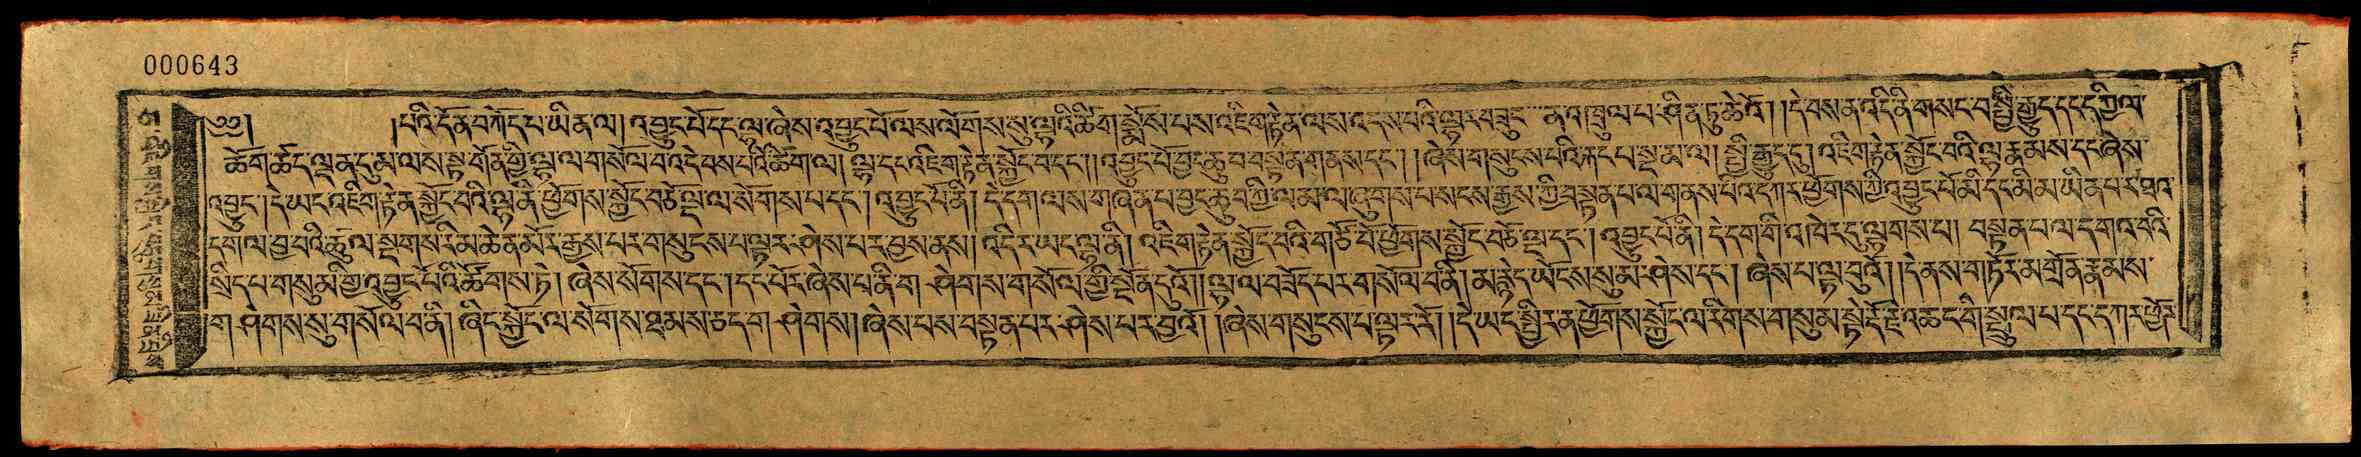༄༅། །པའི་དོན་བཀོད་པ་ཡིན་ལ། འབྱུང་པོ་དང་ལྷ་ཞེས་འབྱུང་པོ་ལས་ལོགས་སུ་ལྷའི་ཚིག་སྨོས་པས་འཇིག་རྟེན་ལས་འདས་པའི་ལྷར་བཟུང་ན་འཁྲུལ་པ་ཤིན་ཏུ་ཆེའོ། །དེ་བས་ན་འདི་ནི་གསང་བ་སྤྱི་རྒྱུད་དང་དཀྱིལ་
ཆོག་ཚད་ལྡན་དུ་མ་ལས་སྟ་གོན་གྱི་ལྷ་ལ་གསོལ་བ་འདེབས་པའི་ཚིག་ལ། ལྷ་དང་འཇིག་རྟེན་སྐྱོང་བ་དང་། །འབྱུང་པོ་བྱང་ཆུབ་བསྟན་གནས་དང་། །ཞེས་གསུངས་པའི་རྐང་པ་སྔ་མ་ལ། སྤྱི་རྒྱུད་དུ། འཇིག་རྟེན་སྐྱོང་བའི་ལྷ་རྣམས་དང་ཞེས་
འབྱུང་། དེ་ཡང་འཇིག་རྟེན་སྐྱོང་བའི་ལྷ་ནི་ཕྱོགས་སྐྱོང་བཅོ་ལྔ་ལ་སོགས་པ་དང་། འབྱུང་པོ་ནི། དེ་དག་ལས་གཞན་པ་བྱང་ཆུབ་ཀྱི་ལམ་ལ་ཞུགས་པ་སངས་རྒྱས་ཀྱི་བསྟན་པ་ལ་གནས་པའི་དཀར་ཕྱོགས་ཀྱི་འབྱུང་པོ་མི་དང་མི་མ་ཡིན་པ་མཐའ་
དག་ལ་བྱ་བའི་ཚུལ་སྔགས་རིམ་ཆེན་མོར་རྒྱས་པར་གསུངས་པ་ལྟར་ཤེས་པར་བྱས་ནས། འདིར་ཡང་ལྷ་ནི། འཇིག་རྟེན་སྐྱོང་བའི་གཙོ་བོ་ཕྱོགས་སྐྱོང་བཅོ་ལྔ་དང་། འབྱུང་པོ་ནི། དེ་དག་གི་འཁོར་དུ་ལྷགས་པ། བསྟན་པ་ལ་དགའ་བའི་
སྲིད་པ་གསུམ་གྱི་འབྱུང་པོའི་ཚོགས་ཏེ། ཞེས་སོགས་དང་། དང་པོར་ཞེས་པ་ནི་གཤེགས་གསོལ་གྱི་སྔོན་དུའོ། །ལྷ་ལ་བཟོད་པར་གསོལ་བ་ནི། མ་རྙེད་ཡོངས་སུ་མ་ཤེས་དང་། ཞེས་པ་ལྟ་བུའོ། །དེ་ནས་གཏོར་མགྲོན་རྣམས་
གཤེགས་སུ་གསོལ་བ་ནི། ཞིང་སྐྱོང་ལ་སོགས་ཐམས་ཅད་གཤེགས། ཞེས་པས་བསྟན་པར་ཤེས་པར་བྱའོ། །ཞེས་གསུངས་པ་ལྟར་རོ། །དེ་ཡང་སྤྱིར་ན་ཕྱོགས་སྐྱོང་ལ་རིགས་གསུམ་སྟེ་རྡོ་རྗེ་འཆང་གི་སྤྲུལ་པ་དང་དཀར་ཕྱོཌ་